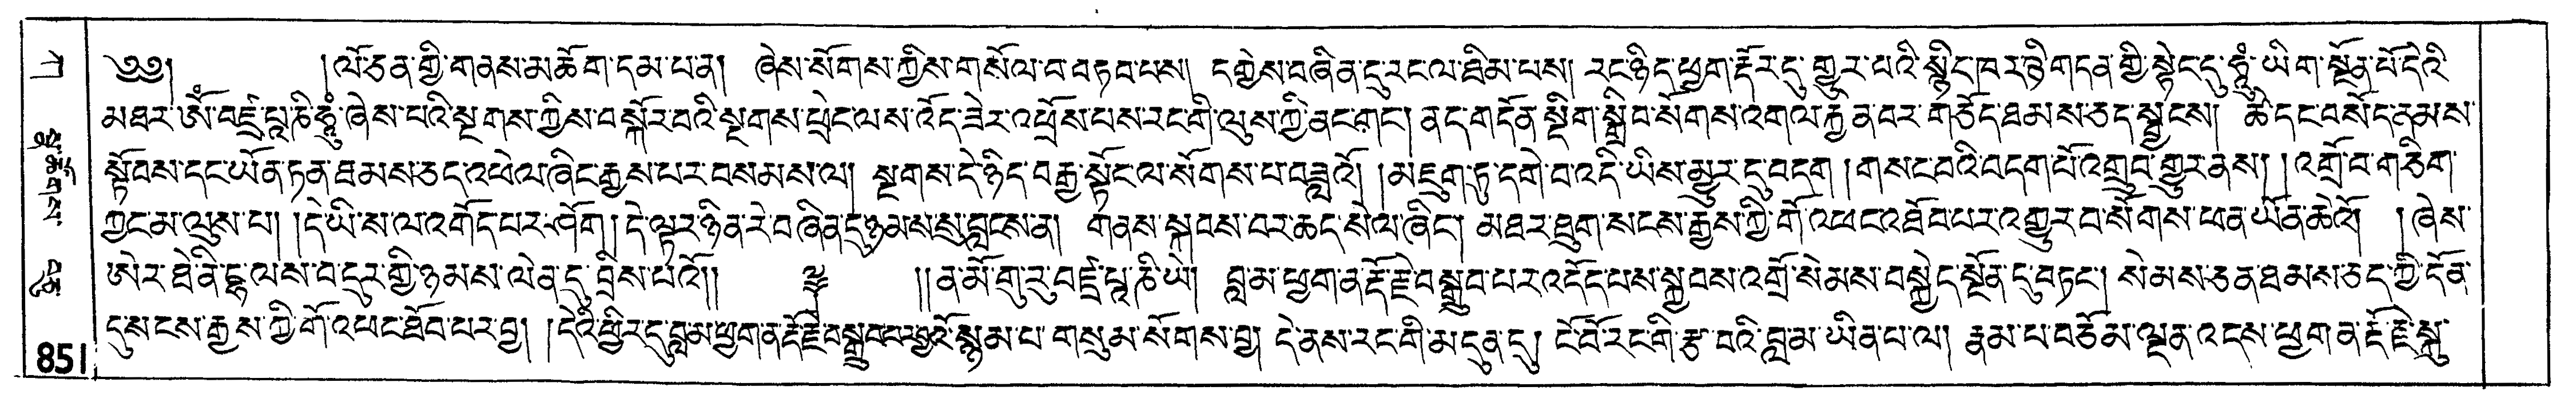༄༅། །ལོ་ཅན་གྱི་གནས་མཆོག་དམ་པ་ན། ཞེས་སོགས་ཀྱིས་གསོལ་བ་བཏབ་པས། དགྱེས་བཞིན་དུ་རང་ལ་ཐིམ་པས། རང་ཉིད་ཕྱག་རྡོར་དུ་གྱུར་པའི་སྙིང་ཁར་ཉི་གདན་གྱི་སྟེང་དུ་ཧཱུཾ་ཡིག་སྔོན་པོ་དེའི་
མཐར་ཨོཾ་བཛྲ་པཱ་ཎི་ཧཱུཾ་ཞེས་པའི་སྔགས་ཀྱིས་བསྐོར་བའི་སྔགས་ཕྲེང་ལས་འོད་ཟེར་འཕྲོས་པས་རང་གི་ལུས་ཀྱི་ནང་གང་། ནད་གདོན་སྡིག་སྒྲིབ་སོགས་འགལ་རྐྱེན་བར་གཅོད་ཐམས་ཅད་སྦྱངས། ཚེ་དང་བསོད་ནམས་
སྟོབས་དང་ཡོན་ཏན་ཐམས་ཅད་འཕེལ་ཞིང་རྒྱས་པར་བསམས་ལ། སྔགས་དེ་ཉིད་བརྒྱ་སྟོང་ལ་སོགས་པ་བཟླའོ། །མཇུག་ཏུ་དགེ་བ་འདི་ཡིས་མྱུར་དུ་བདག །གསང་བའི་བདག་པོ་འགྲུབ་གྱུར་ནས། །འགྲོ་བ་གཅིག་
ཀྱང་མ་ལུས་པ། །དེ་ཡི་ས་ལ་འགོད་པར་ཤོག །དེ་ལྟར་ཉིན་རེ་བཞིན་དུ་ཉམས་སུ་བླངས་ན། གནས་སྐབས་བར་ཆད་སེལ་ཞིང་། མཐར་ཐུག་སངས་རྒྱས་ཀྱི་གོ་འཕང་འཐོབ་པར་འགྱུར་བ་སོགས་ཕན་ཡོན་ཆེའོ། །ཞེས་
ཨེར་ཐེ་ནི་དྷ་ལས་བ་དུར་གྱི་ཉམས་ལེན་དུ་བྲིས་པའོ།། ༈ །།ན་མོ་གུ་རུ་བཛྲ་པཱ་ཎི་ཡེ། བླ་མ་ཕྱག་ན་རྡོ་རྗེ་བསྒྲུབ་པར་འདོད་པས་སྐྱབས་འགྲོ་སེམས་བསྐྱེད་སྔོན་དུ་བཏང་། སེམས་ཅན་ཐམས་ཅད་ཀྱི་དོན་
དུ་སངས་རྒྱས་ཀྱི་གོ་འཕང་ཐོབ་པར་བྱ། །དེའི་ཕྱིར་དུ་བླ་མ་ཕྱག་ན་རྡོ་རྗེ་བསྒྲུབ་པར་བྱའོ་སྙམ་པ་གསུམ་སོགས་བྱ། དེ་ནས་རང་གི་མདུན་དུ། ངོ་བོ་རང་གི་རྩ་བའི་བླ་མ་ཡིན་པ་ལ། རྣམ་པ་བཅོམ་ལྡན་འདས་ཕྱག་ན་རྡོ་རྗེ་སྐུ་